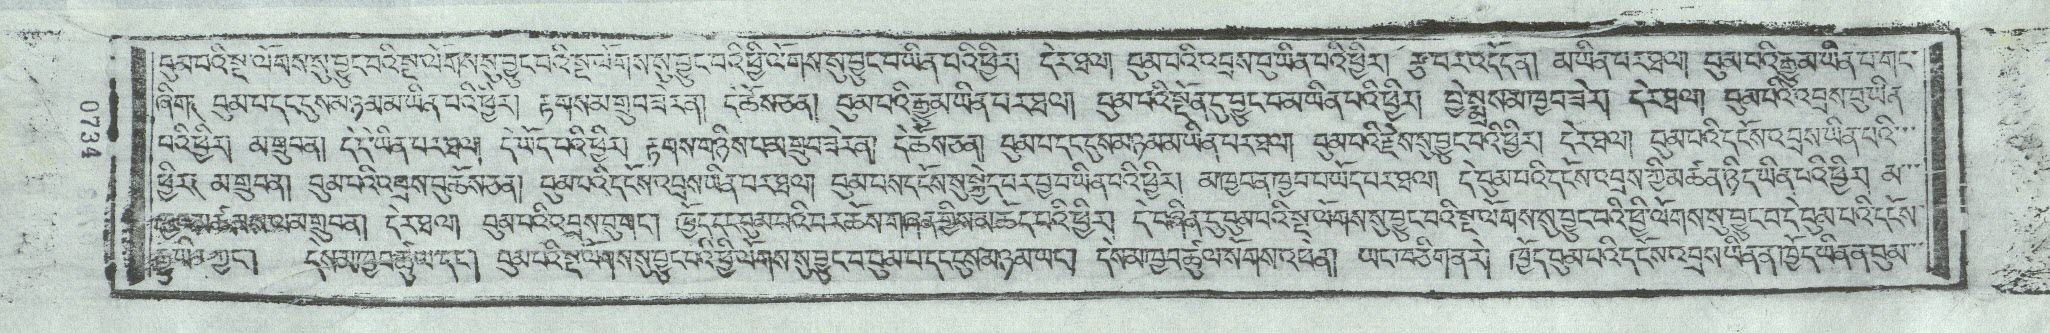བུམ་པའི་སྔ་ལོགས་སུ་བྱུང་བའི་སྔ་ལོགས་སུ་བྱུང་བའི་སྔ་ལོགས་སུ་བྱུང་བའི་ཕྱི་ལོགས་སུ་བྱུང་བ་ཡིན་པའི་ཕྱིར། དེར་ཐལ། བུམ་པའི་འབྲས་བུ་ཡིན་པའི་ཕྱིར། རྩ་བར་འདོད་ན། མ་ཡིན་པར་ཐལ། བུམ་པའི་རྒྱུ་མ་ཡིན་པ་གང་
ཞིག༑ བུམ་པ་དང་དུས་མཉམ་མ་ཡིན་པའི་ཕྱིར། རྟགས་མ་གྲུབ་ཟེར་ན། དེ་ཆོས་ཅན། བུམ་པའི་རྒྱུ་མ་ཡིན་པར་ཐལ། བུམ་པའི་སྔོན་དུ་བྱུང་བ་མ་ཡིན་པའི་ཕྱིར། བྱེ་སྨྲས་མ་ཁྱབ་ཟེར། དེར་ཐལ། བུམ་པའི་འབྲས་བུ་ཡིན་
པའི་ཕྱིར། མ་གྲུབ་ན། དེ་དེ་ཡིན་པར་ཐལ། དེ་ཡོད་པའི་ཕྱིར། རྟགས་གཉིས་པ་མ་གྲུབ་ཟེར་ན། དེ་ཆོས་ཅན། བུམ་པ་དང་དུས་མཉམ་མ་ཡིན་པར་ཐལ། བུམ་པའི་རྗེས་སུ་བྱུང་བའི་ཕྱིར། དེར་ཐལ། བུམ་པའི་དངོས་འབྲས་ཡིན་པའི་
ཕྱིར༑ མ་གྲུབ་ན། བུམ་པའི་འབྲས་བུ་ཆོས་ཅན། བུམ་པའི་དངོས་འབྲས་ཡིན་པར་ཐལ། བུམ་པས་དངོས་སུ་སྐྱེད་པར་བྱ་བ་ཡིན་པའི་ཕྱིར། མ་ཁྱབ་ན་ཁྱབ་པ་ཡོད་པར་ཐལ། དེ་བུམ་པའི་དངོས་འབྲས་ཀྱི་མཚན་ཉིད་ཡིན་པའི་ཕྱིར། མ་
ཁྱབ་མཚམས་ལམ་གྲུབ་ན། དེར་ཐལ། བུམ་པའི་འབྲས་བུ་གང་། ཁྱོད་དང་བུམ་པའི་བར་ཆོས་གཞན་གྱིས་མཆོད་པའི་ཕྱིར། དེ་བཞིན་དུ་བུམ་པའི་སྔ་ལོགས་སུ་བྱུང་བའི་སྔ་ལོགས་སུ་བྱུང་བའི་ཕྱི་ལོགས་སུ་བྱུང་བ་དེ་བུམ་པའི་དངོས་
རྒྱུ་ཡིན་ཀྱང་། དེས་མ་ཁྱབ་ཚུལ་དང་། བུམ་པའི་སྔ་ལོགས་སུ་བྱུང་བའི་ཕྱི་ལོགས་སུ་བྱུང་བ་བུམ་པ་དང་དུས་མཉམ་ཡང་། དེས་མ་ཁྱབ་ཚུལ་སོགས་འཕེན། ཡང་ཁ་ཅིག་ན་རེ། ཁྱོད་བུམ་པའི་དངོས་འབྲས་ཡིན་ན་ཁྱོད་ཡིན་ན་བུམ་